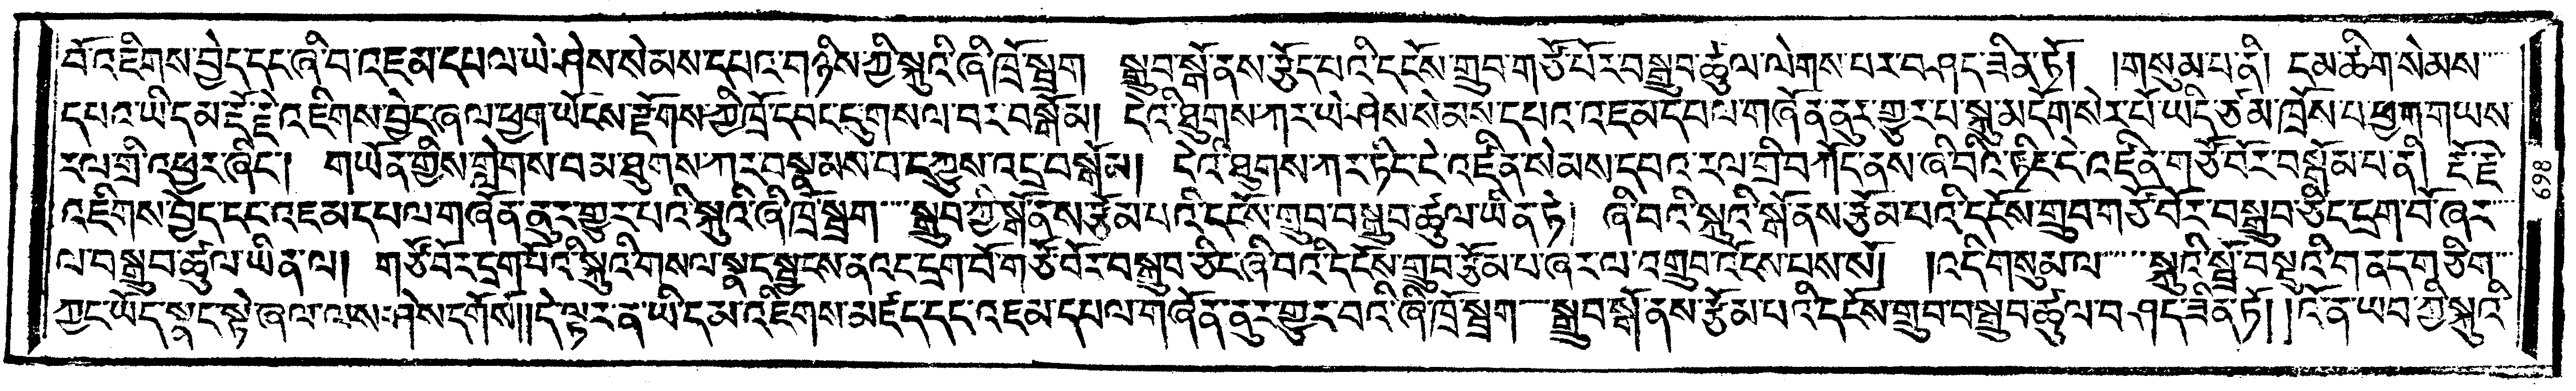བོ་འཇིགས་བྱེད་དང་ཞི་བ་འཇམ་དཔལ་ཡེ་ཤེས་སེམས་དཔའ་གཉིས་ཀྱི་སྐུའི་ཞི་ཁྲོ་སྦྲག་སྒྲུབ་སྒོ་ནས་རྩོད་པའི་དངོས་གྲུབ་གཙོ་བོར་བསྒྲུབ་ཚུལ་ལེགས་པར་བཤད་ཟིན་ཏོ། །གསུམ་པ་ནི། དམ་ཚིག་སེམས་
དཔའ་ཡི་དམ་རྡོ་རྗེ་འཇིགས་བྱེད་ཞལ་ཕྱག་ཡོངས་རྫོགས་ཀྱི་ཁྲོ་དབང་དུ་གསལ་བར་བསྒོམ། དེའི་ཐུགས་ཀར་ཡེ་ཤེས་སེམས་དཔའ་འཇམ་དཔལ་གཞོན་ནུར་གྱུར་པ་སྐུ་མདོག་སེར་པོ་ཡིད་ཙམ་ཁྲོས་པ་ཕྱག་གཡས་
རལ་གྲི་འཕྱར་ཞིང་། གཡོན་གྱིས་གླེགས་བམ་ཐུགས་ཀར་བསྣམས་པ་དཀྱུས་འདྲ་བསྒོམ། དེའི་ཐུགས་ཀར་ཏིང་ངེ་འཛིན་སེམས་དཔའ་རལ་གྲི་བཀོད་ནས་ཞི་བའི་ཏིང་ངེ་འཛིན་གཙོ་བོར་བསྒོམ་པ་ནི། རྡོ་རྗེ་
འཇིགས་བྱེད་དང་འཇམ་དཔལ་གཞོན་ནུར་གྱུར་པའི་སྐུའི་ཞི་ཁྲོ་སྦྲག་སྒྲུབ་ཀྱི་སྒོ་ནས་རྩོམ་པའི་དངོས་གྲུབ་བསྒྲུབ་ཚུལ་ཡིན་ཏེ། ཞི་བའི་སྐུའི་སྒོ་ནས་རྩོམ་པའི་དངོས་གྲུབ་གཙོ་བོར་བསྒྲུབ་ཅིང་དྲག་པོ་ཞར་
ལ་བསྒྲུབ་ཚུལ་ཡིན་ལ། གཙོ་བོར་དྲག་པོའི་སྐུའི་གསལ་སྣང་སྦྱངས་ནའང་དྲག་པོ་གཙོ་བོར་བསྒྲུབ་ཅིང་ཞི་བའི་དངོས་གྲུབ་རྩོམ་པ་ཞར་ལ་འགྲུབ་འོངས་པས་སོ། །འདི་གསུམ་ལ་སྐུའི་སྤྲོ་བསྡུའི་གནད་གཅིག་
ཀྱང་ཡོད་སྣང་སྟེ་ཞལ་ལས་ཤེས་དགོས་སོ། །དེ་ལྟར་ན་ཡི་དམ་འཇིགས་མཛད་དང་འཇམ་དཔལ་གཞོན་ནུར་གྱུར་བའི་ཞི་ཁྲོ་སྦྲག་སྒྲུབ་སྒོ་ནས་རྩོམ་པའི་དངོས་གྲུབ་བསྒྲུབ་ཚུལ་བཤད་ཟིན་ཏོ། །འོ་ན་ཡབ་ཀྱི་སྐུའི་